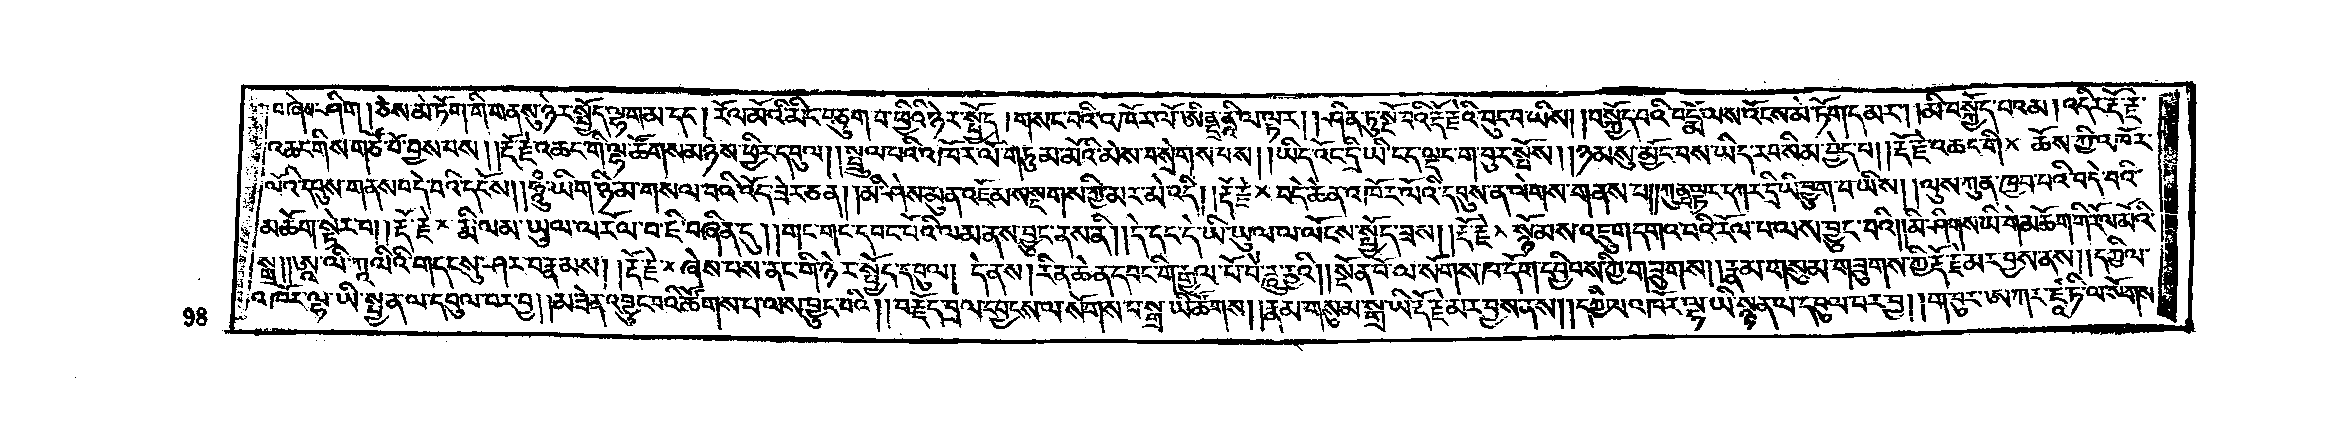བཞེས་ཤིག །ཅེས་མེ་ཏོག་གི་གནས་སུ་ཉེར་སྤྱོད་ལྷག་མ་དང་། རོལ་མོའི་མིང་བཅུག་བ་ཕྱིའི་ཉེར་སྤྱོད། གསང་བའི་འཁོར་ལོ་ཨིནྡྲ་ནཱི་ལ་ལྟར། །ཤིན་ཏུ་སྔོ་བའི་རྡོ་རྗེའི་བུང་བ་ཡིས། །བསྐྱོད་པའི་པདམོ་ལས་འོངས་མེ་ཏོག་དམར། །མི་བསྐྱོད་པའམ། འདིར་རྡོ་རྗེ་
འཆང་གིས་གཙོ་བོ་བྱས་པས། །རྡོ་རྗེ་འཆང་གི་ལྷ་ཚོགས་མཉེས་ཕྱིར་དབུལ། །སྦྲུལ་པའི་འཁོར་ལོ་གཏུམ་མོའི་མེས་བ་སྲེགས་པས། །ཡིད་འོང་དྲི་ཡི་ངད་ལྡང་ག་བུར་སྤོས། །ཉམས་སུ་མྱོང་བས་ཡིད་རབ་སིམ་བྱེད་པ། །རྡོ་རྗེ་འཆང་གི྾་ཆོས་ཀྱི་འཁོར་
ལོའི་དབུས་གནས་བདེ་བའི་དངོས། །ཧཱུཾ་ཡིག་ཉི་མ་གསལ་བའི་འོད་ཟེར་ཅན། །མི་ཤེས་མུན་འཇོམས་སྔགས་ཀྱི་མར་མེ་འདི། །རྡོ་རྗེ྾་བདེ་ཆེན་འཁོར་ལོའི་དབུས་ན་ལེགས་གནས་པ། །ཀུནྡ་ལྟར་དཀར་དྲི་ཡི་བྱུག་པ་ཡིས། །ལུས་ཀུན་ཁྱབ་པའི་བདེ་བའི་
མཆོག་སྟེར་བ། །རྡོ་རྗེ྾་རྨི་ལམ་ཡུལ་ལ་རོལ་བ་ཇི་བཞིན་དུ། །གང་གང་དབང་པོའི་ལམ་ནས་བྱུང་ནས་ནི། །དེ་དང་དེ་ཡི་ཡུལ་ལ་ལོངས་སྤྱོད་ཟས། །རྡོ་རྗེ྾་སྙོམས་འཇུག་དགའ་བའི་རོལ་པ་ལས་བྱུང་བའི། །མི་ཤིགས་ཡི་གེ་མཆོག་གི་རོལ་མོའི་
སྒྲ། །ཨཱ་ལི་ཀཱ་ལིའི་གདངས་སུ་ཤར་བ་རྣམས། །རྡོ་རྗེ྾་ཞེས་པས་ནང་གི་ཉེར་སྤྱོད་དབུལ། དེ་ནས། རིན་ཆེན་དབང་གི་རྒྱལ་པོ་བཻ་ཌཱུ་རྱའི། །སྔོན་པོ་ལ་སོགས་ཁ་དོག་དབྱིབས་ཀྱི་གཟུགས། །རྣམ་གསུམ་གཟུགས་ཀྱི་རྡོ་རྗེ་མར་བྱས་ནས། །དཀྱིལ་
འཁོར་ལྷ་ཡི་སྤྱན་ལ་དབུལ་བར་བྱ། །མ་ཟིན་འབྱུང་བའི་ཚོགས་པ་ལས་བྱུང་བའི། །བརྗོད་བྲལ་དབྱངས་ལ་སོགས་པ་སྒྲ་ཡི་ཚོགས། །རྣམ་གསུམ་སྒྲ་ཡི་རྡོ་རྗེ་མར་བྱས་ནས། །དཀྱིལ་འཁོར་ལྷ་ཡི་སྙན་ལ་དབུལ་བར་བྱ། །ག་བུར་ཨ་ཀར་ཛཱ་ཏི་ལ་སོགས་